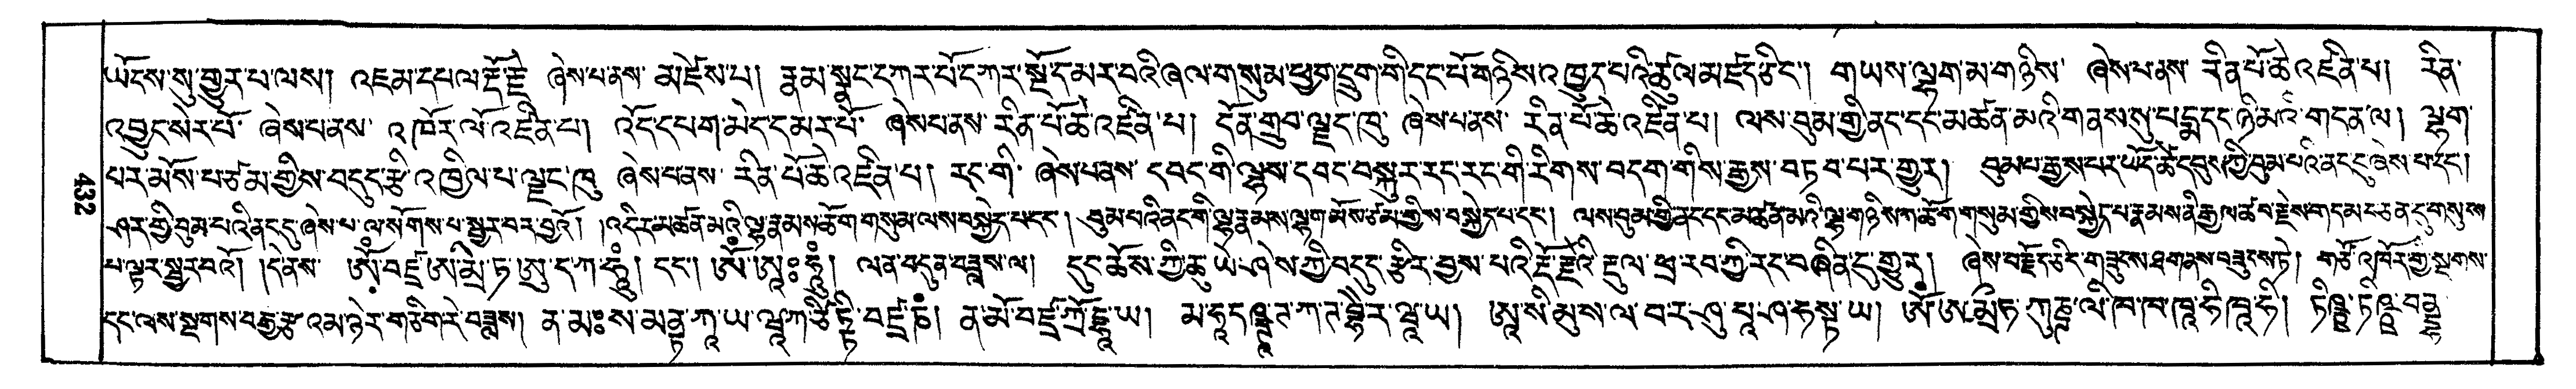ཡོངས་སུ་གྱུར་པ་ལས། འཇམ་དཔལ་རྡོ་རྗེ་ཞེས་པ་ནས་མཛེས་པ། རྣམ་སྣང་དཀར་པོ་དཀར་སྔོ་དམར་བའི་ཞལ་གསུམ་ཕྱག་དྲུག་གི་དང་པོ་གཉིས་འཁྱུད་པའི་ཚུལ་མཛད་ཅིང་། གཡས་ལྷག་མ་གཉིས་ཞེས་པ་ནས་རིན་པོ་ཆེ་འཛིན་པ། རིན་
འབྱུང་སེར་པོ་ཞེས་པ་ནས་འཁོར་ལོ་འཛིན་པ། འོད་དཔག་མེད་དམར་པོ་ཞེས་པ་ནས་རིན་པོ་ཆེ་འཛིན་པ། དོན་གྲུབ་ལྗང་ཁུ་ཞེས་པ་ནས་རིན་པོ་ཆེ་འཛིན་པ། ལས་བུམ་གྱི་ནང་དང་མཚན་མའི་གནས་སུ་པདམ་དང་ཉི་མའི་གདན་ལ། ལྷག་
པར་མོས་པ་ཙམ་གྱིས་བདུད་རྩི་འཁྱིལ་པ་ལྗང་ཁུ་ཞེས་པ་ནས་རིན་པོ་ཆེ་འཛིན་པ། རང་གི་ཞེས་པ་ནས་དབང་གི་ལྷས་དབང་བསྐུར་རང་རང་གི་རིགས་བདག་གིས་རྒྱས་བཏབ་པར་གྱུར། བུམ་པ་རྒྱས་པར་ཡོད་ཚེ་དབུས་ཀྱི་བུམ་པའི་ནང་དུ་ཞེས་པ་དང་།
ཤར་གྱི་བུམ་པའི་ནང་དུ་ཞེས་པ་ལ་སོགས་པ་སྦྱར་བར་བྱའོ། །འདིར་མཚན་མའི་ལྷ་རྣམས་ཆོ་ག་གསུམ་ལས་བསྐྱེད་པ་དང་། བུམ་པའི་ནང་གི་ལྷ་རྣམས་ལྷག་མོས་ཙམ་གྱིས་བསྐྱེད་པ་དང་། ལས་བུམ་གྱི་ནང་ངང་མཚན་མའི་ལྷ་གཉིས་ཀ་ཆོ་ག་གསུམ་གྱིས་བསྐྱེད་པ་རྣམས་ནི་རྒྱལ་ཚབ་རྗེས་གང་མང་ཅན་དུ་གསུངས་
བ་ལྟར་སྦྱར་བའོ། །དེ་ནས་ཨོཾ་བཛྲ་ཨ་མྲྀ་ཏ་ཨུ་ད་ཀ་ཧཱུཾ། དང་། ཨོཾ་ཨཱཿ ཧཱུཾ། ལན་བདུན་བཟླས་ལ། དུང་ཆོས་ཀྱི་ཆུ་ཡེ་ཤེས་ཀྱི་བདུད་རྩིར་བྱས་པའི་རྡོ་རྗེའི་རྡུལ་ཕྲ་རབ་ཀྱི་རང་བཞིན་དུ་གྱུར། ཞེས་བརྗོད་ཅིང་གཟུངས་ཐག་ནས་བཟུངས་ཏེ། གཙོ་འཁོར་གྱི་སྔགས་
ངང་ལས་སྔགས་བརྒྱ་རྩ་འམ་ཉེར་གཅིག་རེ་བཟླས། ན་མཿ ས་མནྟ་ཀཱ་ཡ་ཝཱ་ཀ་ཙྟྟི་བཛྲ་ཎཾ། ན་མོ་བཛྲ་ཀྲོ་དྷཱ་ཡ། མྷཱ་དིཥྚཱཊ་ཀ་ཊ་བྷཻ་ར་ཝཱ་ཡ། ཨཱ་སི་མུ་ས་ལ་བ་ར་ཤུ་པཱ་ཤ་ཧསྟ་ཡ། ཨོཾ་ཨ་མྲྀཏ་ཀུཎྜ་ལི་ཁ་ཁ་ཁཱ་ཧི་ཁཱ་ཧི། ཏིཥཊཿཨ་ཏིཥཊཿཨ་བནྡྷ་